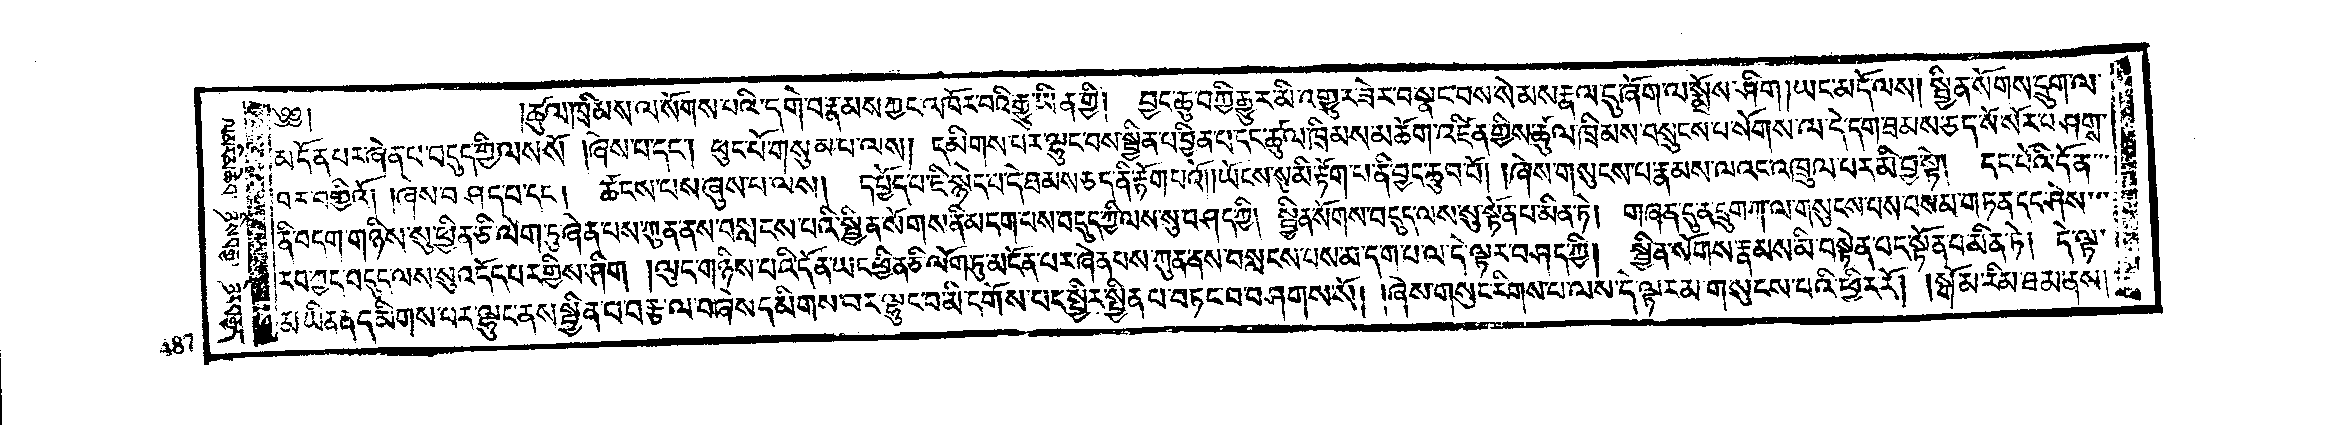༄༅། །ཚུལ་ཁྲིམས་ལ་སོགས་པའི་དགེ་བ་རྣམས་ཀྱང་འཁོར་བའི་རྒྱུ་ཡིན་གྱི། བྱང་ཆུབ་ཀྱི་རྒྱུར་མི་འགྱུར་ཟེར་བ་སྣང་བས་སེམས་རྣལ་དུ་ཞོག་ལ་སྨྲོས་ཤིག། ཡང་མདོ་ལས། སྦྱིན་སོགས་དྲུག་ལ་
མངོན་པར་ཞེན་པ་བདུད་ཀྱི་ལས་སོ། ཞེས་པ་དང་། ཕུང་པོ་གསུམ་པ་ལས། དམིགས་པར་ལྷུང་བས་སྦྱིན་པ་བྱིན་པ་དང་ཚུལ་ཁྲིམས་མཆོག་འཛིན་གྱིས་ཚུལ་ཁྲིམས་བསྲུངས་པ་སོགས་ལ་དེ་དག་ཐམས་ཅད་སོ་སོར་བཤགས་
པར་བགྱིའོ། །ཞེས་བཤད་པ་དང་། ཚང་པས་ཞུས་པ་ལས། དཔྱོད་པ་ཇི་སྙེད་པ་དེ་ཐམས་ཅད་ནི་རྟོག་པའོ། །ཡོངས་སུ་མི་རྟོག་པ་ནི་བྱང་ཆུབ་བོ། །ཞེས་གསུངས་པ་རྣམས་ལའང་འཁྲུལ་བར་མི་བྱ་སྟེ། དང་པོའི་དོན་
ནི་བདག་གཉིས་སུ་ཕྱིན་ཅི་ལོག་ཏུ་ཞེས་པས་ཀུན་ནས་བསླངས་པའི་སྦྱིན་སོགས་ནི་མ་དག་པས་བདུད་ཀྱི་ལས་སུ་བཤད་ཀྱི། སྦྱིན་སོགས་བདུད་ལས་སུ་སྟོན་པ་མིན་ཏེ། གཞན་དུ་ན་དྲུག་ཀ་ལ་གསུངས་པས་བསམ་གཏན་དང་ཤེས་
རབ་ཀྱང་བདུད་ལས་སུ་འདོད་པར་གྱིས་ཤིག །ལུང་གཉིས་པའི་དོན་ཡང་ཕྱིན་ཅི་ལོག་ཏུ་མངོན་པར་ཞེན་པས་ཀུན་ནས་བསླངས་པས་མ་དག་པ་ལ་དེ་ལྟར་བཤད་ཀྱི། སྦྱིན་སོགས་རྣམས་མི་བསྟེན་པར་སྟོན་པ་མིན་ཏེ། དེ་ལྟ་
མ་ཡིན་ན་དམིགས་པར་ལྷུང་ནས་སྦྱིན་པ་བསྩལ་བ་ཞེས་དམིགས་པར་ལྷུང་བ་མི་དགོས་པར་སྤྱིར་སྦྱིན་པ་བཏང་བ་བཤགས་སོ། །ཞེས་གསུང་རིགས་པ་ལས་དེ་ལྟར་མ་གསུངས་པའི་ཕྱིར་རོ། །སྒོམ་རིམ་ཐ་མ་ནས་